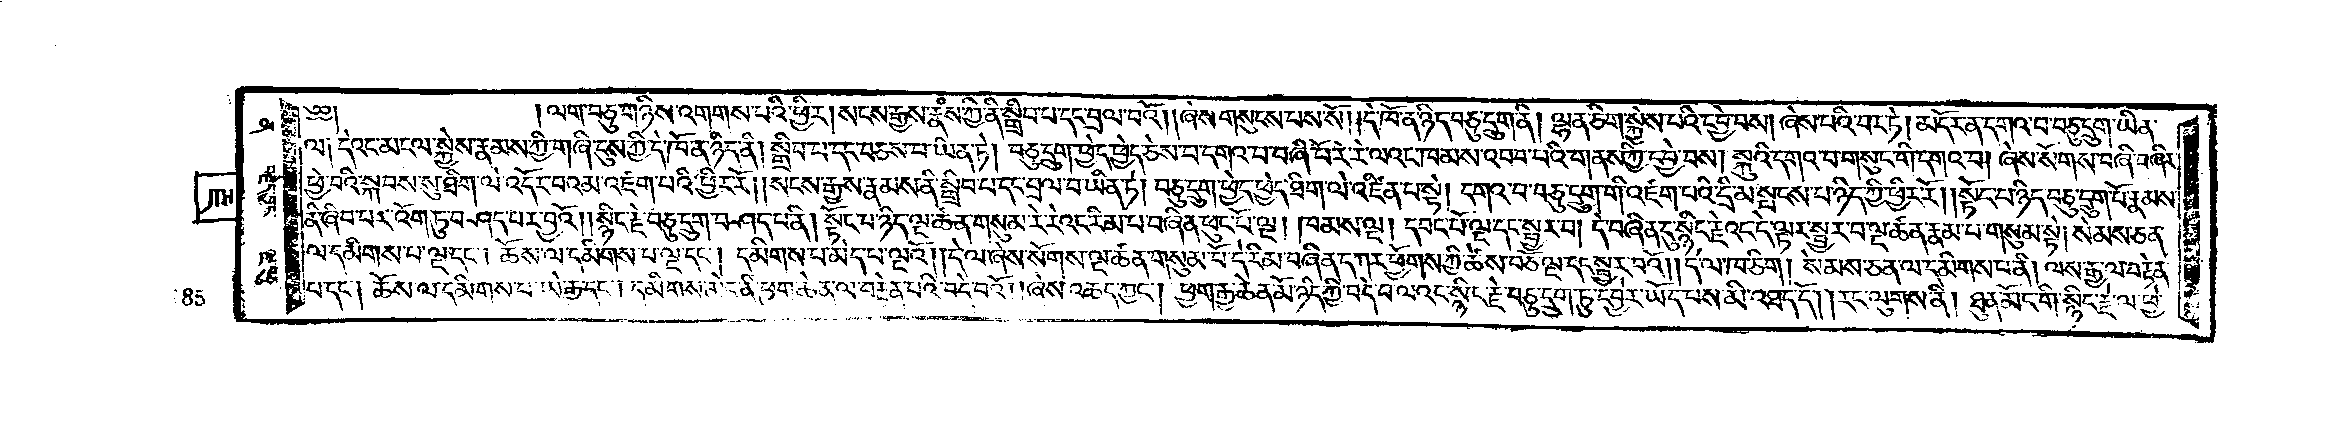༄༅། །ལག་བཅུ་གཉིས་འགགས་པའི་ཕྱིར། སངས་རྒྱས་རྣམས་ཀྱི་ནི་སྒྲིབ་པ་དང་བྲལ་བའོ། །ཞེས་གསུངས་པས་སོ། །དེ་ཁོ་ན་ཉིད་བཅུ་དྲུག་ནི། ལྷན་ཅིག་སྐྱེས་པའི་དབྱེ་བས། ཞེས་པའི་བར་ཏེ། མདོར་ན་དགའ་བ་བཅུ་དྲུག་ཡིན་
ལ། དེའང་མངལ་སྐྱེས་རྣམས་ཀྱི་གཞི་དུས་ཀྱི་དེ་ཁོ་ན་ཉིད་ནི། སྒྲིབ་པ་དང་བཅས་པ་ཡིན་ཏེ། བཅུ་དྲུག་ཕྱེད་ཕྱེད་ཅེས་པ་དགའ་བ་བཞི་པོ་རེ་རེ་ལའང་ཁམས་འབབ་པའི་གནས་ཀྱི་དབྱེ་བས། སྐུའི་དགའ་བ་གསུང་གི་དགའ་བ། ཞེས་སོགས་བཞི་བཞིར་
ཕྱེ་བའི་སྐབས་སུ་ཐིག་ལེ་འདོར་བའམ་འཛག་པའི་ཕྱིར་རོ། །སངས་རྒྱས་རྣམས་ནི་སྒྲིབ་པ་དང་བྲལ་བ་ཡིན་ཏེ། བཅུ་དྲུག་ཕྱེད་ཕྱེད་ཐིག་ལེ་འཛིན་པ་སྟེ། དགའ་བ་བཅུ་དྲུག་གི་འཛག་པའི་དྲི་མ་སྤངས་པ་ཉིད་ཀྱི་ཕྱིར་རོ། །སྟོང་པ་ཉིད་བཅུ་དྲུག་པོ་རྣམས་
ནི་ཞིབ་པར་འོག་ཏུ་བཤད་པར་བྱའོ། །སྙིང་རྗེ་བཅུ་དྲུག་བཤད་པ་ནི། སྟོང་པ་ཉིད་ལྔ་ཚན་གསུམ་རེ་རེའང་རིམ་པ་བཞིན་ཕུང་པོ་ལྔ། ཁམས་ལྔ། དབང་པོ་ལྔ་དང་སྦྱར་བ། དེ་བཞིན་དུ་སྙིང་རྗེའང་དེ་ལྟར་སྦྱར་བ་ལྔ་ཚན་རྣམ་པ་གསུམ་སྟེ། སེམས་ཅན་
ལ་དམིགས་པ་ལྔ་དང་། ཆོས་ལ་དམིགས་པ་ལྔ་དང་། དམིགས་པ་མེད་པ་ལྔའོ། །དེ་ལ་ཞེས་སོགས་ལྔ་ཚན་གསུམ་པོ་དེ་རིམ་བཞིན་དཀར་ཕྱོགས་ཀྱི་ཚེས་བཅོ་ལྔ་དང་སྦྱར་བའོ། །དེ་ལ་ཁ་ཅིག །སེམས་ཅན་ལ་དམིགས་པ་ནི། ལས་རྒྱ་ལ་བརྟེན་
པ་དང་། ཆོས་ལ་དམིགས་པ་ཡེ་རྒྱ་དང་། དམིགས་མེད་ནི་ཕྱག་ཆེན་ལ་བརྟེན་པའི་བདེ་བའོ། །ཞེས་འཆད་ཀྱང་། ཕྱག་རྒྱ་ཆེན་མོ་ཉིད་ཀྱི་བདེ་བ་ལའང་སྙིང་རྗེ་བཅུ་དྲུག་ཏུ་དབྱེར་ཡོད་པས་མི་འཐད་དོ། །རང་ལུགས་ནི། ཐུན་མོང་གི་སྙིང་རྗེ་ལ་ཕྱེ་